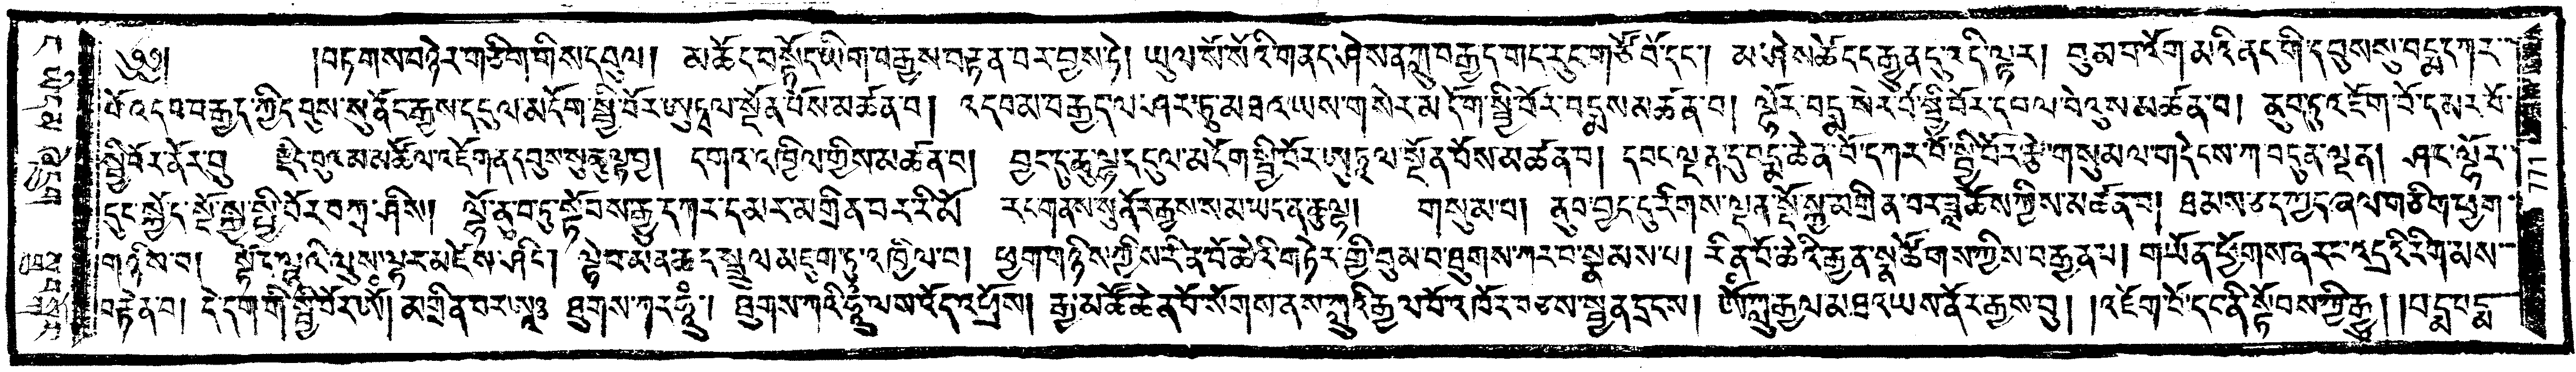༄༅། །བཏགས་བྙེར་གཅིག་གིས་དབུལ། མཆོད་བསྟོད་ཡིག་བརྒྱས་བརྟན་བར་བྱས་ཏེ། ཡུལ་སོ་སོའི་གནང་ཤེས་ན་ཀླུ་བརྒྱད་གང་རུང་གཙོ་བོ་དང་། མ་ཤེས་ཚེ་དང་རྒྱུན་དུ་འདི་ལྟར། བུམ་བ་འོག་མའི་ནང་གི་དབུས་སུ་པདམ་དཀར་
པོ་འདབ་བརྒྱད་ཀྱི་དབུས་སུ་ནོང་རྒྱས་དངུལ་མདོག་སྦྱི་བོར་ཨུཏྭལ་སྔོན་བོས་མཚན་བ། འདབ་མ་བརྒྱད་ལ་ཤར་ཏུ་མཐའ་ཡས་གསེར་མདོག་སྦྱི་བོར་བདམས་མཚན་བ། ལྷོར་བདམ་སེར་བོ་སྦྱི་བོར་དབལ་བེའུས་མཚན་བ། ནུབ་ཏུ་འཇོག་བོ་དམར་བོ་
སྦྱི་བོར་ནོར་བུ་རྫིང་བུའམ་མཚོལ་འཇོག་ན་དབུས་སུ་ཆུ་ལྟ་བྱ། དགའ་འཁྱིལ་གྱིས་མཚན་བ། བྱང་དུ་ཆུ་ལྷ་དངུལ་མདོག་སྦྱི་བོར་ཨུཏྭལ་སྔོན་བོས་མཚན་བ། དབང་ལྡན་དུ་བདམ་ཆེན་བོ་དཀར་བོ་སྦྱི་བོར་རྩེ་གསུམ་ལ་གདེངས་ཀ་བདུན་ལྡན། ཤང་ལྷོར་
དུང་སྐྱོད་སྔོ་སྐྱ་སྤྱི་བོར་བཀྲ་ཤིས། ལྷོ་ནུབ་ཏུ་སྟོབས་རྒྱུ་དཀར་དམར་མགྲིན་བར་རི་མོ། རང་གནས་སུ་ནོར་རྒྱས་སམ་ཡང་ན་ཆུ་ལྷ། གསུམ་བ། ནུབ་བྱང་དུ་རིགས་ལྡན་སྔོ་སྐྱ་མགྲིན་བར་ཟླ་ཆོས་ཀྱིས་མཚན་བ། ཐམས་ཅད་ཀྱང་ཞལ་གཅིག་ཕྱག་
གཉིས་བ། སྟོ་ད་ལྷའི་ལུས་ལྟར་མཛེས་ཤིང་། ལྟེ་བ་མན་ཆད་སྦྲུལ་མཇུག་ཏུ་འཁྱིལ་བ། ཕྱག་གཉིས་ཀྱི་ས་རིན་བོ་ཆེའི་གཏེར་གྱི་བུམ་བ་ཐུགས་ཀར་བ་སྣམས་པ། རིན་བོ་ཆེའི་རྒྱན་སྣ་ཚོགས་ཀྱིས་བརྒྱན་པ། གཡོན་ཕྱོགས་ན་རང་འདྲའི་རིག་མས་
བརྟེན་བ། དེ་དག་གི་སྦྱི་བོར་ཨོཾ། མགྲིན་བར་ཨཱཿ ཐུགས་ཀར་ཧཱུཾ། ཐུགས་ཀའི་ཧཱུཾ་ལས་འོད་འཕྲོས། རྒྱ་མཚོ་ཆེན་བོ་སོགས་ནས་ཀླུའི་རྒྱལ་བོ་འཁོར་བཅས་སྦྱན་དྲངས། ཨོཾ་ཀླུ་རྒྱལ་མཐའ་ཡས་ནོར་རྒྱས་བུ། །འཇོག་བོ་དང་ནི་སྟོབས་ཀྱི་རྒྱུ། །པདམ་པདམ་